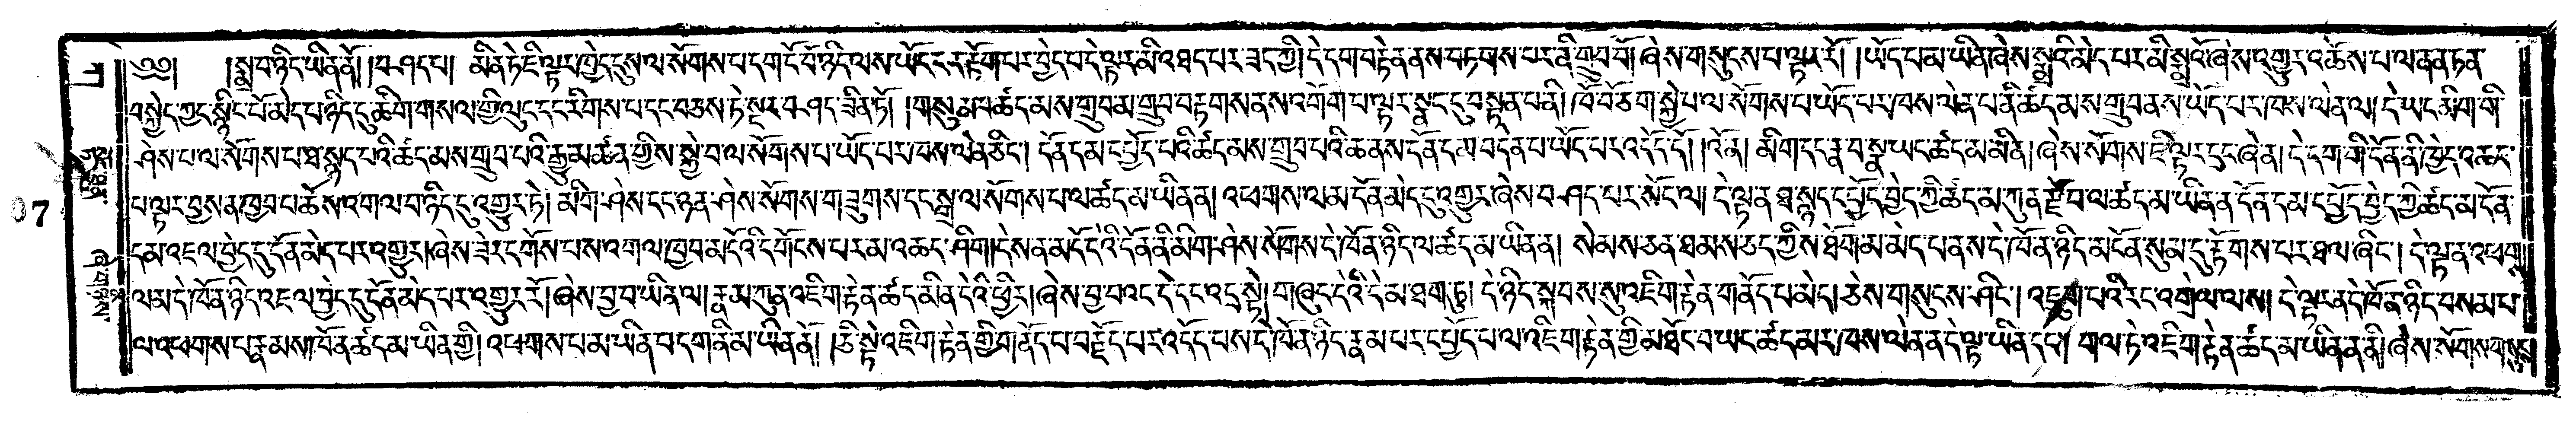༄༅། །སྨྲ་བ་ཉིད་ཡིན་ནོ། །བཤད་པ། མིན་ཏེ་ཇི་ལྟར་ཁྱེད་དུས་ལ་སོགས་པ་དག་ངོ་བོ་ཉིད་ལས་ཡོང་བར་རྟོག་པར་བྱེད་པ་དེ་ལྟར་མི་འཐད་པར་ཟད་ཀྱི། དེ་དག་བརྟེན་ནས་བཏགས་པར་ནི་གྲུབ་བོ། ཞེས་གསུངས་པ་ལྟར་རོ། །ཡོད་པ་མ་ཡིན་ཞེས་སྨྲའི་མེད་པར་མི་སྨྲའོ་ཞེས་འགྱུར་འཆོས་པ་ལ་ནན་?་ཏན་
བསྐྱེད་ཀྱང་སྙིང་པོ་མེད་པ་ཉིད་དུ་ཚིག་གསལ་གྱི་ལུང་དང་རིགས་བ་དང་བཅས་ཏེ་སྔར་བཤད་ཟིན་ཏོ། །གསུམ་པ་ཚད་མས་གྲུབ་མ་གྲུབ་བརྟགས་ནས་འགོག་པ་ལྟར་སྣང་དུ་བསྟན་པ་ནི། ཁོ་བོ་ཅག་སྐྱེ་བ་ལ་སོགས་པ་ཡོད་པར་ཁས་ལེན་པ་ནི་ཚད་མས་གྲུབ་ནས་ཡོད་པར་ཁས་ལེན་ལ། དེ་ཡང་མིག་གི་
ཤེས་པ་ལ་སོགས་པ་ཐ་སྙད་པའི་ཚད་མས་གྲུབ་པའི་རྒྱུ་མཚན་གྱིས་སྐྱེ་བ་ལ་སོགས་པ་ཡོད་པར་ཁས་ལེན་ཅིང་། དོན་དམ་དཔྱོད་པའི་ཚད་མས་གྲུབ་པའི་ཆ་ནས་དོན་དམ་བདེན་པ་ཡོད་པར་འདོད་དོ། །འོ་ན། མིག་དང་རྣ་བ་སྣ་ཡང་ཚད་མ་མིན། ཞེས་སོགས་ཇི་ལྟར་དྲང་ཞེ་ན། དེ་དག་གི་དོན་ནི་ཁྱེད་འཆད་
པ་ལྟར་བྱས་ན་ཁྱབ་པ་ཆེས་འགལ་བ་ཉིད་དུ་འགྱུར་ཏེ། མིག་ཤེས་དང་ཉན་ཤེས་སོགས་གཟུགས་དང་སྒྲ་ལ་སོགས་པ་ལ་ཚད་མ་ཡིན་ན། འཕགས་ལམ་དོན་མེད་དུ་འགྱུར་ཞེས་བཤད་པར་སོང་ལ། དེ་ལྟ་ན་ཐ་སྙད་དཔྱོད་བྱེད་ཀྱི་ཚད་མ་ཀུན་རྫོབ་ལ་ཚད་མ་ཡིན་ན་དོན་དམ་དཔྱོད་བྱེད་ཀྱི་ཚད་མ་དོན་
དམ་འཇལ་བྱེད་དུ་དོན་མེད་པར་འགྱུར། ཞེས་ཟེར་དོགས་པས་འགལ་ཁྱབ་མདོའི་དགོངས་པར་མ་འཆད་ཤིག། དེས་ན་མདོ་དེའི་དོན་ནི་མིག་ཤེས་སོགས་དེ་ཁོ་ན་ཉིད་ལ་ཚད་མ་ཡིན་ན། སེམས་ཅན་ཐམས་ཅད་ཀྱིས་ཐོག་མ་མེད་པ་ནས་དེ་ཁོ་ན་ཉིད་མངོན་སུམ་དུ་རྟོགས་པར་ཐལ་ཞིང་། དེ་ལྟ་ན་འཕགས་
ལམ་དེ་ཁོ་ན་ཉིད་འཇལ་བྱེད་དུ་དོན་མེད་པར་འགྱུར་རོ། ཞེས་བྱ་བ་ཡིན་ལ། རྣམ་ཀུན་འཇིག་རྟེན་ཚད་མིན་དེའི་ཕྱིར། ཞེས་བྱ་བའང་དེ་དང་འདྲ་སྟེ། གཞུང་དེའི་དེ་མ་ཐག་ཏུ། དེ་ཉིད་སྐབས་སུ་འཇིག་རྟེན་གནོད་པ་མེད། ཅེས་གསུངས་ཤིང་། འཇུག་པའི་རང་འགྲེལ་ལས། ང་ལྟར་ན་དེ་ཁོ་ན་ཉིད་བསམ་པ་
ལ་འཕགས་པ་རྣམས་ཁོ་ན་ཚད་མ་ཡིན་གྱི། འཕགས་པ་མ་ཡིན་བདག་ནི་མ་ཡིན་ནོ། །ཅི་སྟེ་འཇིག་རྟེན་གྱི་གནོད་པ་བརྗོད་པར་འདོད་པས་དེ་ཁོ་ན་ཉིད་རྣམ་པར་དཔྱོད་པ་ལ་འཇིག་རྟེན་གྱི་མཐོང་བ་ཡང་ཚད་མར་ཁས་ལེན་ན་དེ་ལྟ་ཡིན་དང་། གལ་ཏེ་འཇིག་རྟེན་ཚང་མ་ཡིན་ན་ནི། ཞེས་སོགས་གསུང་